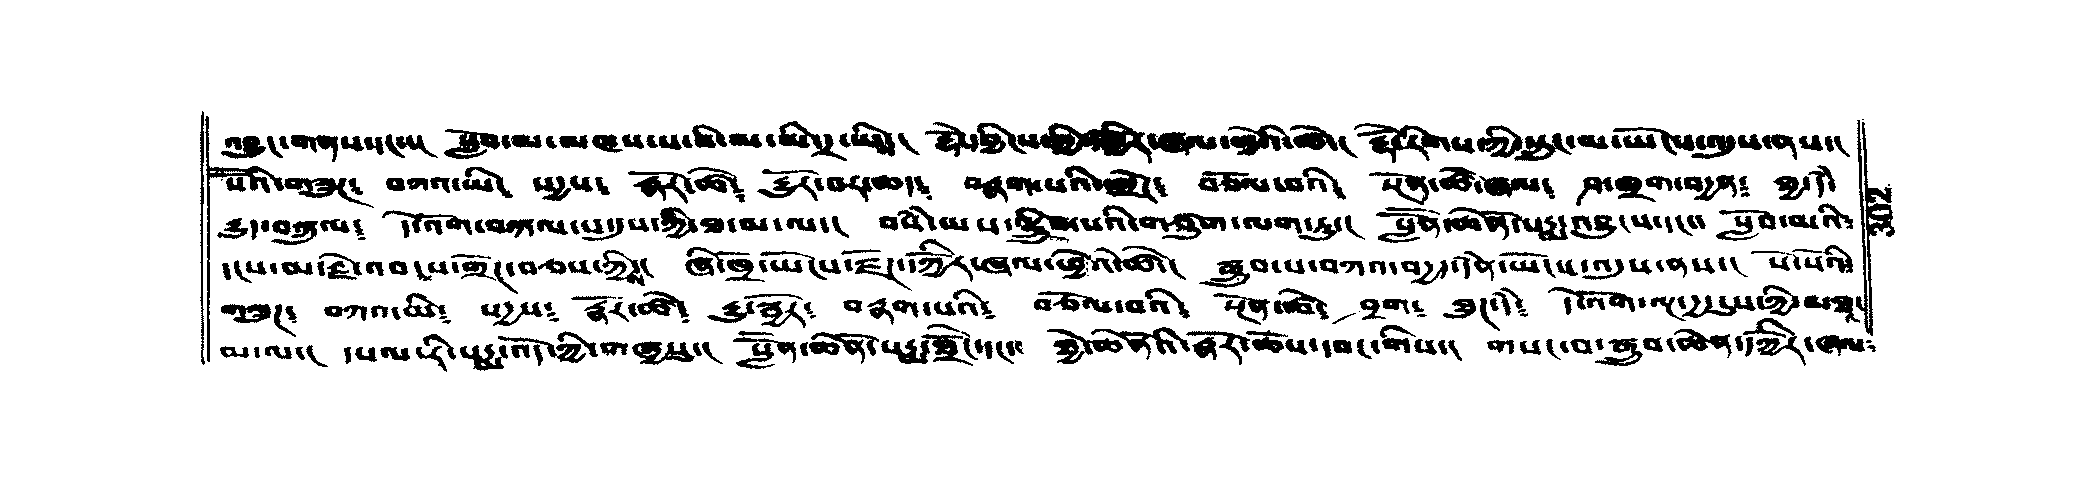འབྱུང་གནས་དང་། །སློབ་མ་མཁས་པ་བི་མ་མི་དྲ་ཡི། །རྡོ་རྗེ་དབྱིངས་ཀྱི་དཀྱིལ་འཁོར་ཞལ་ཕྱེད་ཚེ། །རྡོ་རྗེ་རིགས་ཀྱི་སྲུང་མ་ཡོངས་འདུས་ནས། །
སོ་སོའི་གཟུགས་༴ བཀའ་ཡི་༴ སངས་རྒྱས་༴ རྣལ་འབྱོར་ཚེ་༴ རྒྱུ་སྦྱོར་བར་ཆད་༴ བརྣག་པའི་དགྲ་བགེགས་༴ བཅོལ་བའི་༴ སྔོན་ཚེ་ཞལ་༴ ཤ་ཁྲག་བརྒྱན་༴ ཐུགས་དམ་
རྒྱུད་བསྐུལ༴ དེ་འོག་བསྐལ་བ་དུས་ཀྱི་ཐ་མ་ལ།། བསམ་ཡས་ལྷུན་གྱིས་གྲུབ་པའི་གཙུག་ལག་ཏུ། །སློབ་དཔོན་ཆེན་པོ་པདྨ་འབྱུང་གནས་དང་། །སློབ་མའི་
དངས་མ་རྗེ་འབངས་གྲོགས་བཅས་ཀྱིས། །ཞི་ཁྲོ་ཡོངས་རྫོགས་དཀྱིལ་འཁོར་ཞལ་ཕྱེད་ཚེ། །སྒྲུབ་པ་བཀའ་བརྒྱད་དམ་ཅན་ཡོངས་འདུས་ནས། །སོ་སོའི་
གཟུགས་༴བཀའ་ཡི་༴ སངས་རྒྱས་༴ རྣལ་འབྱོར་ཚེ་༴ རྒྱུ་སྦྱོར་༴ བརྣག་པའི་༴ བཅོལ་བའི༴ སྔོན་ཚེ་༴ ཤ་ཁྲག་༴ ཐུགས་དམ་༴ དེ་འོག་ལྔ་རྒྱ་དུས་ཀྱི་མཐའ་
མ་ལ། །དཔལ་རི་པདྨ་འོད་ཀྱི་གཞལ་ཡས་སུ། །སློབ་དཔོན་ཆེན་པོ་པདྨ་ཐོད་ཕྲེང་དང་། །ཐུགས་རྗེ་ཆེན་པོའི་ཆོས་དབང་གིས། །གསང་བ་སྒྲུབ་ཆེན་དཀྱིལ་འཁོར་ཞལ་